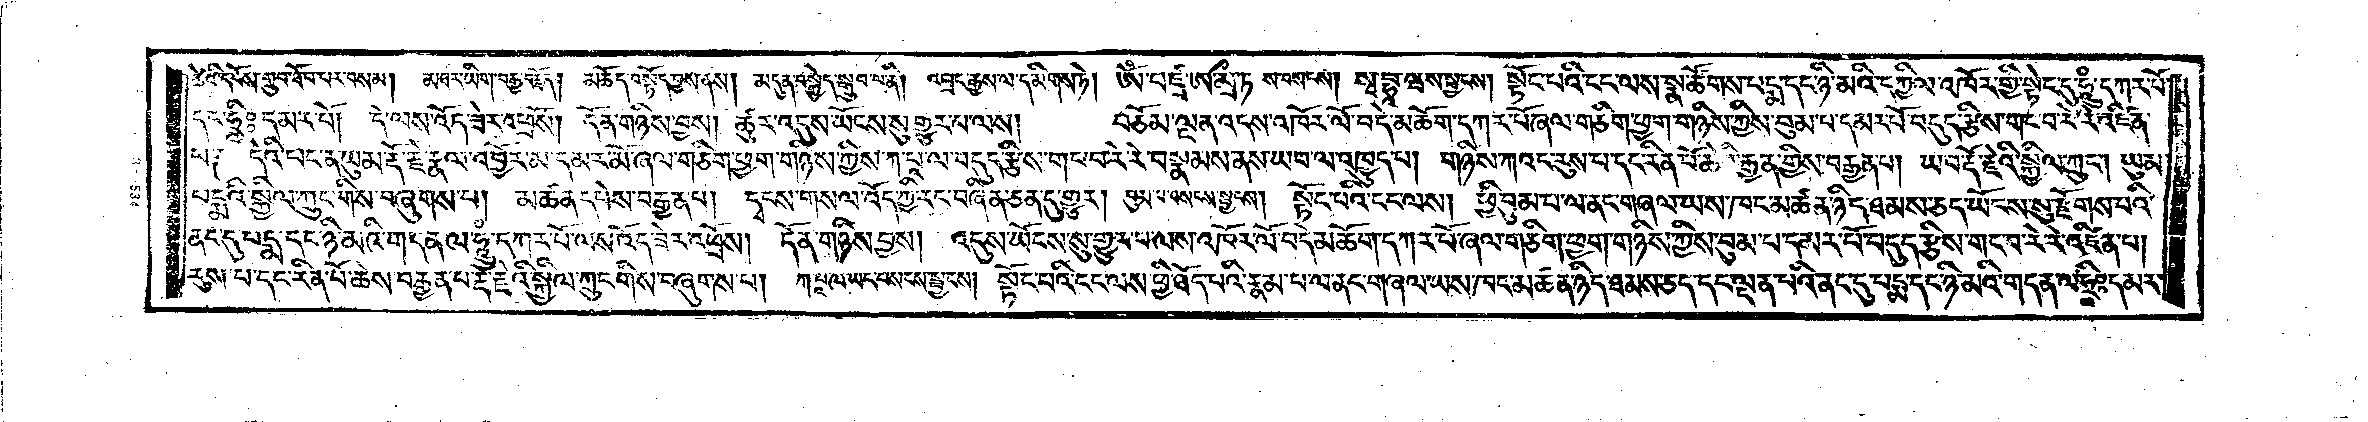ཚེའི་དངོས་གྲུབ་ཐོབ་པར་བསམ། མཐར་ཡིག་བརྒྱ་བརྗོད། མཆོད་བསྟོད་བྱས་ནས། མདུན་བསྐྱེད་སྒྲུབ་ལ་ནི། འབྲང་རྒྱས་ལ་དམིགས་ཏེ།  ཨོཾ་བཛྲ་ཨ་མྲྀ་ཏས་བསངས།  སྭབྷཱ་ཝས་བྱངས། སྟོང་པའི་ངང་ལས་སྣ་ཚོགས་པདམ་དང་ཉི་མའི་དཀྱིལ་འཁོར་གྱི་སྟེང་དུ་ཧཱུཾ་དཀར་པོ་
དང་ཧྲཱིཿདམར་པོ། དེ་ལས་འོད་ཟེར་འཕྲོས། དོན་གཉིས་བྱས། ཚུར་འདུས་ཡོངས་སུ་གྱུར་པ་ལས། བཅོམ་ལྡན་འདས་འཁོར་ལོ་བདེ་མཆོག་དཀར་པོ་ཞལ་གཅིག་ཕྱག་གཉིས་ཀྱིས་བུམ་པ་དམར་པོ་བདུད་རྩིས་གང་བ་རེ་རེ་འཛིན་
པ༑ དེའི་བང་ན་ཡུམ་རྡོ་རྗེ་རྣལ་འབྱོར་མ་དམར་མོ་ཞལ་གཅིག་ཕྱག་གཉིས་ཀྱིས་ཀ་པཱ་ལ་བདུད་རྩིས་གང་བ་རེ་རེ་བསྣམས་ནས་ཡབ་ལ་འཁྱུད་པ། གཉིས་ཀའང་རུས་པ་དང་རིན་པོ་ཆེའི་རྒྱན་གྱིས་བརྒྱན་པ། ཡབ་རྡོ་རྗེའི་སྐྱིལ་ཀྲུང་། ཡུམ་
པདམའི་སྐྱིལ་ཀྲུང་གིས་བཞུགས་པ། མཚན་དཔེས་བརྒྱན་པ། དྭངས་གསལ་འོད་ཀྱི་རང་བཞིན་ཅན་དུ་གྱུར། བུམ་པ་བསངས་སྦྱངས།  སྟོང་པའི་ངང་ལས། ཕྱི་བུམ་པ་ལ་ནང་གཞལ་ཡས་ཁང་མཚན་ཉིད་ཐམས་ཅད་ཡོངས་སུ་རྫོགས་པའི་
ནང་དུ་པདམ་དང་ཉི་མའི་གདན་ལ་ཧཱུཾ་དཀར་པོ་ལས་འོད་ཟེར་འཕྲོས། དོན་གཉིས་བྱས། འདུས་ཡོངས་སུ་གྱུར་པ་ལས་འཁོར་ལོ་བདེ་མཆོག་དཀར་པོ་ཞལ་གཅིག་ཕྱག་གཉིས་ཀྱིས་བུམ་པ་དམར་པོ་བདུད་རྩིས་གང་བ་རེ་རེ་འཛིན་པ།
རུས་པ་དང་རིན་པོ་ཆེས་བརྒྱན་པ་རྡོ་རྗེའི་སྐྱིལ་ཀྲུང་གིས་བཞུགས་པ། ཀ་པཱ་ལ་ཡང་བསངས་སྦྱངས།  སྟོང་པའི་ངང་ལས་ཕྱི་ཐོད་པའི་རྣམ་པ་ལ་ནང་གཞལ་ཡས་ཁང་མཚན་ཉིད་ཐམས་ཅད་དང་ལྡན་པའི་ནང་དུ་པདམ་དང་ཉི་མའི་གདན་ལ་ཧྲཱིཿདམར་